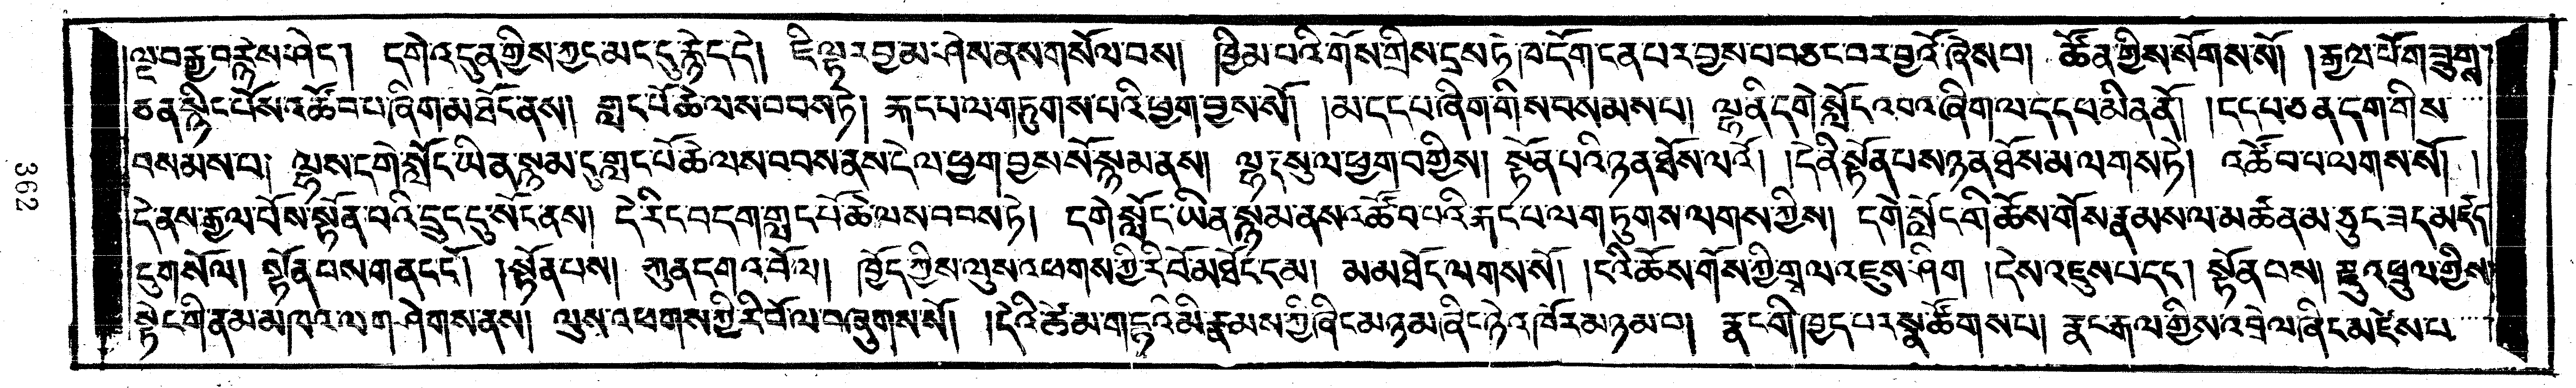ལྔ་བརྒྱ་བརྙེས་ཤིང་། དགེ་འདུན་གྱིས་ཀྱང་མང་དུ་རྙེད་དེ། ཇི་ལྟར་བྱ་མ་ཤེས་ནས་གསོལ་བས། ཁྱིམ་པའི་གོས་གྲིས་དྲས་ཏེ་ཁ་དོག་ངན་པར་བྱས་པ་བཅང་བར་བྱའོ་ཞེས་པ། ཚོན་གྱིས་སོགས་སོ། །རྒྱལ་པོ་གཟུགས་
ཅན་སྙིང་པོས་འཚོབ་པ་ཞིག་མཐོང་ནས། གླང་པོ་ཆེ་ལས་བབས་ཏེ། རྐང་པ་ལ་གཏུགས་པའི་ཕྱག་བྱས་སོ། །མ་དད་པ་ཞིག་གིས་བསམས་པ། ལྷ་ནི་དགེ་སློང་འབའ་ཞིག་ལ་དད་པ་མིན་ནོ། །དད་པ་ཅན་དག་གིས་
བསམས་པ༑ ལྷས་དགེ་སློང་ཡིན་སྙམ་དུ་གླང་པོ་ཆེ་ལས་བབས་ནས་དེ་ལ་ཕྱག་བྱས་སོ་སྙམ་ནས། ལྷ༑ སུ་ལ་ཕྱག་བགྱིས། སྟོན་པའི་ཉན་ཐོས་ལའོ། །དེ་ནི་སྟོན་པས་ཉན་ཐོས་མ་ལགས་ཏེ། འཚོ་བ་པ་ལགས་སོ། །
དེ་ནས་རྒྱལ་པོ་ས་སྟོན་པའི་དྲུང་དུ་སོང་ནས། དེ་རིང་བདག་གླང་པོ་ཆེ་ལས་བབས་ཏེ། དགེ་སློང་ཡིན་སྙམ་ནས་འཚོ་བ་པའི་རྐང་པ་ལ་གཏུགས་ལགས་ཀྱིས། དགེ་སློང་གི་ཆོས་གོས་རྣམས་ལ་མཚན་མ་ཅུང་ཟད་མཛད་
དུ་གསོལ། སྟོན་པས་གནང་ངོ། །སྟོན་པས། ཀུན་དགའ་བོ་ལ། ཁྱོད་ཀྱིས་ལུས་འཕགས་ཀྱི་རི་བོ་མཐོང་ངམ། མ་མཐོང་ལགས་སོ། །ངའི་ཆོས་གོས་ཀྱི་གྲྭ་ལ་འཇུས་ཤིག །དེས་འཇུས་པ་དང་། སྟོན་པས། རྫུ་འཕྲུལ་གྱིས་
སྟེང་གི་ནམ་མཁའ་ལ་གཤེགས་ནས། ལུས་འཕགས་ཀྱི་རི་བོ་ལ་བཞུགས་སོ། །དེའི་ཚེ་མ་ག་དྷའི་མི་རྣམས་ཀྱི་ཞིང་མཉམ་ཞིང་ཉེ་འཁོར་མཉམ་པ། རྣང་གི་ཁྱད་པར་སྣ་ཚོགས་པ། རྣང་རྒལ་གྱིས་འབྲེལ་ཞིང་མཛེས་པ་